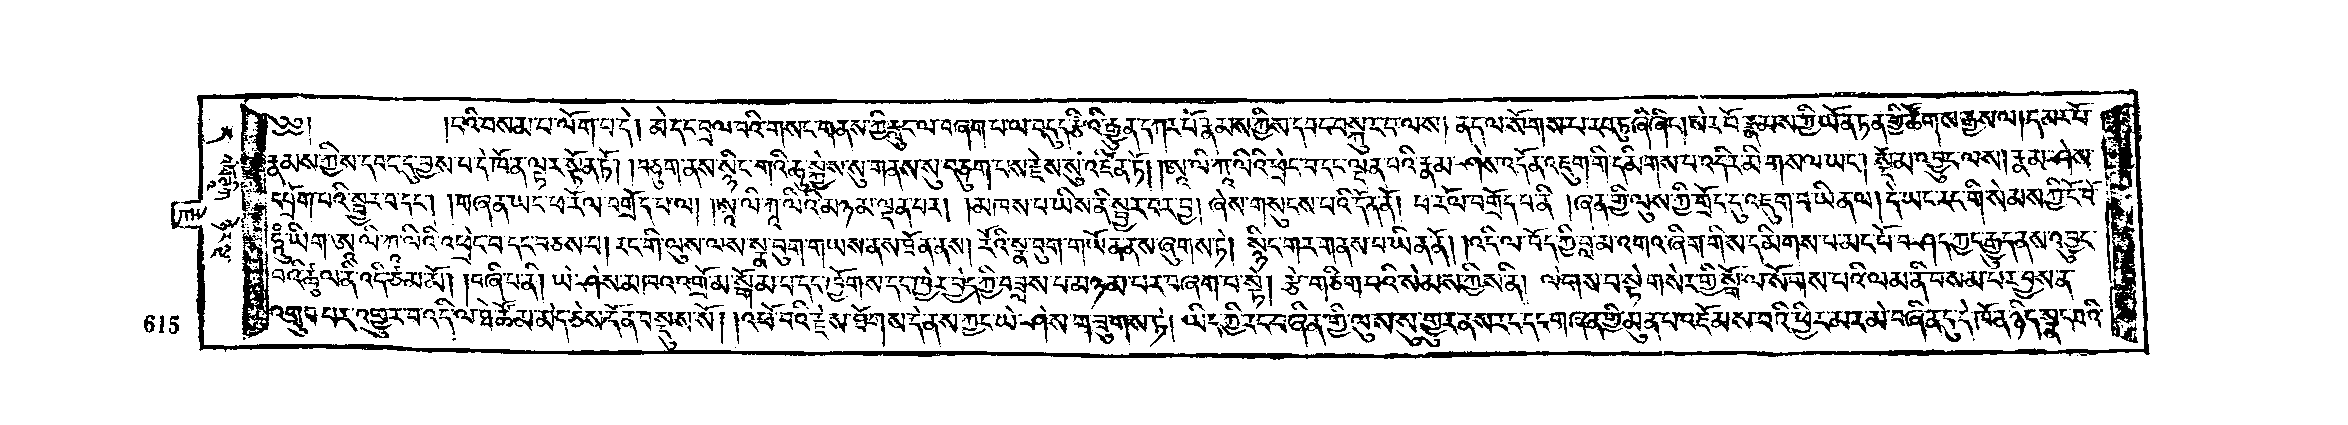༄༅། །པའི་བསམ་པ་ལོག་པ་དེ། མེ་དང་བྲལ་བའི་གསང་གནས་ཀྱི་རླུང་ལ་བཞག་པ་ལ་བདུད་རྩིའི་རྒྱུན་དཀར་པོ་རྣམས་ཀྱིས་དབང་བསྐུར་བ་ལས། ནད་ལ་སོགས་པ་རབ་ཏུ་ཞི་ཞིང་། སེར་པོ་རྣམས་ཀྱི་ཡོན་ཏན་གྱི་ཚོགས་རྒྱས་ལ། དམར་པོ་
རྣམས་ཀྱིས་དབང་དུ་བྱས་པ་དེ་ཁོ་ན་ལྟར་སྟོན་ཏོ། །བཅུག་ནས་སྙིང་གའི་ཆུ་སྐྱེས་སུ་གནས་སུ་བཅུག་པས་རྗེས་སུ་འཛིན་ཏོ། །ཨཱ་ལི་ཀཱ་ལིའི་ཕྲེང་བ་དང་ལྡན་པའི་རྣམ་ཤེས་འདོན་འཇུག་གི་དམིགས་པ་འདིར་མི་གསལ་ཡང་། སྡོམ་འབྱུང་ལས། རྣམ་ཤེས་
དཔྲོག་པའི་སྦྱར་བ་དང་། །གཞན་ཡང་ཕ་རོལ་བགྲོད་པ་ལ། ཨཱ་ལི་ཀཱ་ལིའི་མཉམ་ལྡན་པར། །མཁས་པ་ཡིས་ནི་སྦྱར་བར་བྱ། ཞེས་གསུངས་པའི་དོན་ནོ། ཕ་རོལ་བགྲོད་པ་ནི། ཞན་གྱི་ལུས་ཀྱི་གྲོང་དུ་འཇུག་པ་ཡིན་ལ། དེ་ཡང་རང་གི་སེམས་ཀྱི་ངོ་བོ་
ཧཱུཾ་ཡིག་ཨཱ་ལི་ཀཱ་ལིའི་འཕྲེང་བ་དང་བཅས་པ། རང་གི་ལུས་ལས་སྣ་བུག་གཡས་ནས་ཐོན་ནས། རོའི་སྣ་བུག་གཡོན་ནས་ཞུགས་ཏེ། སྙིང་གར་གནས་པ་ཡིན་ནོ། །འདི་ལ་བོད་ཀྱི་བླ་མ་འགའ་ཞིག་གིས་དམིགས་པ་མང་པོ་བཤད་ཀྱང་རྒྱུད་ནས་འབྱུང་
བའི་ཚུལ་ནི་འདི་ཙམ་མོ། །བཞི་པ་ནི། ཡེ་ཤེས་མཁའ་འགྲོ་མ་སྒོམ་པ་དང་ཁྱོགས་དང་ཁྱེར་བྱེད་ཀྱི་བཟླས་པ་མཉམ་པར་བཞག་པ་སྟེ། རྩེ་གཅིག་པའི་སེམས་ཀྱིས་ནི། ལེགས་པ་སྟེ་གསེར་གྱི་སྒོ་ལ་སོགས་པའི་ལམ་ནི་བསམ་པར་བྱས་ན་
འགྲུབ་པར་འགྱུར་བ་འདི་ལ་ཐེ་ཚོམ་མེད་ཅེས་དོན་བསྡུས་སོ། །འཕོ་བའི་རྗེས་ཐོགས་དེ་ནས་ཀྱང་ཡེ་ཤེས་གཟུགས་ཏེ། ཡིད་ཀྱི་རང་བཞིན་གྱི་ལུས་སུ་གྱུར་ནས་རང་དང་གཞན་གྱི་མུན་པ་འཇོམས་པའི་ཕྱིར་མར་མེ་བཞིན་དུ་དེ་ཁོ་ན་ཉིད་སྣང་བའི་